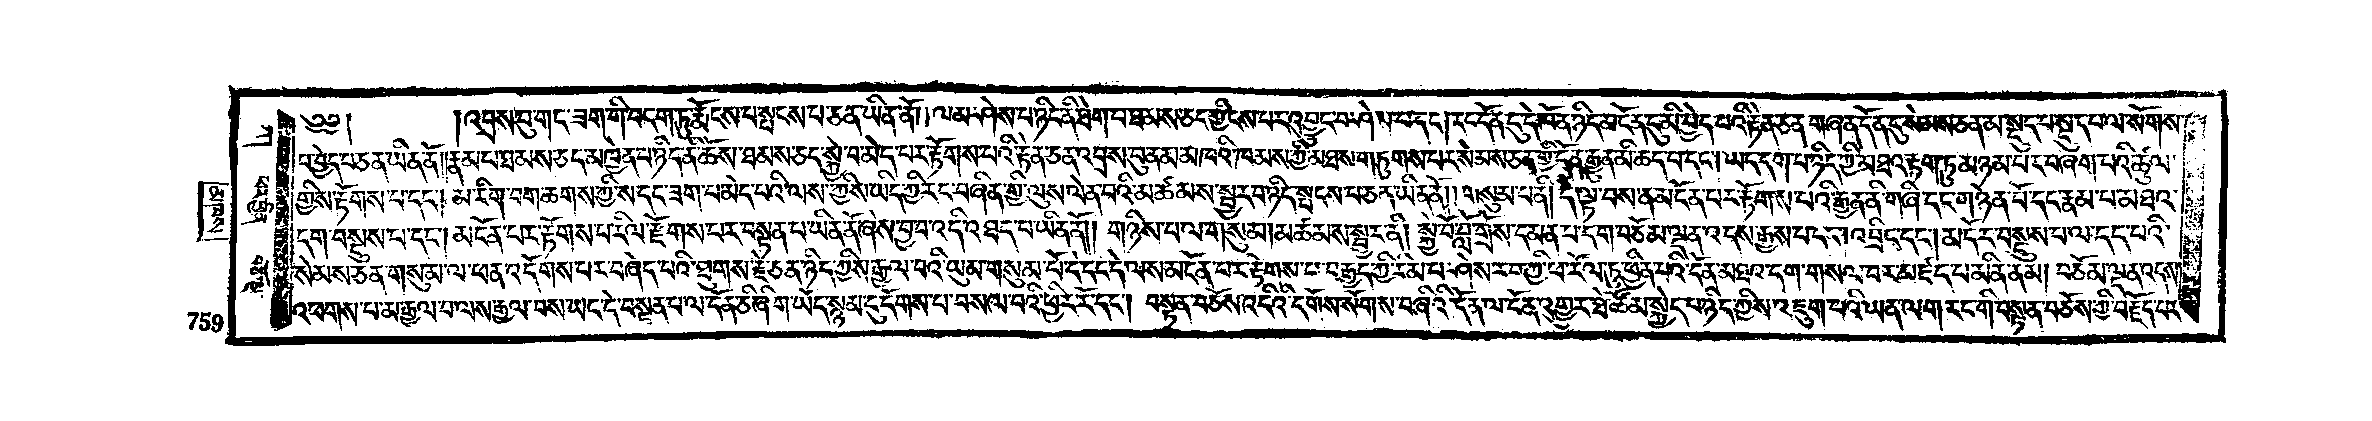༄༅། །འབྲས་བུ་གང་ཟག་གི་བདག་ཏུ་རྨོངས་པ་སྤངས་པ་ཅན་ཡིན་ནོ། །ལམ་ཤེས་པ་ཉིད་ནི་ཐེག་པ་ཐམས་ཅད་ཀྱི་ངེས་པར་འབྱུང་བ་ཤེས་པ་དང་། རང་དོན་དུ་དེ་ཁོ་ན་ཉིད་མངོན་དུ་མི་བྱེད་པའི་རྟེན་ཅན་གཞན་དོན་དུ་སེམས་ཅན་མ་སྡུད་པ་སྡུད་པ་ལ་སོགས་
པ་བྱེད་པ་ཅན་ཡིན་ནོ། །རྣམ་པ་ཐམས་ཅད་མཁྱེན་པ་ཉིད་ནི་ཆོས་ཐམས་ཅད་སྐྱེ་བ་མེད་པར་རྟོགས་པའི་རྟེན་ཅན་འབྲས་བུ་ནམ་མཁའི་ཁམས་ཀྱི་མཐས་གཏུགས་པར་སེམས་ཅན་གྱི་དོན་རྒྱུན་མི་ཆད་པ་དང་། ཡང་དག་པ་ཉིད་ཀྱི་མཐའ་རྟག་ཏུ་མཉམ་པར་བཞག་པའི་ཚུལ་
གྱིས་རྟོགས་པ་དང་། མ་རིག་བག་ཆགས་ཀྱི་ས་དང་ཟག་པ་མེད་པའི་ལས་ཀྱིས་ཡིད་ཀྱི་རང་བཞིན་གྱི་ལུས་ལེན་པའི་མཚམས་སྦྱར་བ་ཉིད་སྤངས་པ་ཅན་ཡིན་ནོ། །གསུམ་པ་ནི། དེ་ལྟ་བས་ན་མངོན་པར་རྟོགས་པའི་རྒྱན་ནི་གཞི་དང་གཉེན་པོ་དང་རྣམ་པ་མཐའ་
དག་བསྡུས་པ་དང་། མངོན་པར་རྟོགས་པ་རིལ་རྫོགས་པར་བསྟན་པ་ཡིན་ནོ་ཞེས་བྱ་བ་འདི་འཐད་པ་ཡིན་ནོ། །གཉིས་པ་ལ་གསུམ། མཚམས་སྦྱར་ནི། སྐྱེ་བོ་བློ་གྲོས་དམན་པ་དག་བཅོམ་ལྡན་འདས་རྒྱས་པ་དང་། འབྲིང་དང་། མདོར་བསྡུས་པ་ལ་དད་པའི་
སེམས་ཅན་གསུམ་ལ་ཕན་འདོགས་པར་བཞེད་པའི་ཐུགས་རྗེ་ཅན་ཉིད་ཀྱིས་རྒྱལ་བའི་ཡུམ་གསུམ་པོ་དེ་དང་དེ་ལས་མངོན་པར་རྟོགས་པ་བརྒྱད་ཀྱི་རིམ་པ་ཤེས་རབ་ཀྱི་ཕ་རོལ་ཏུ་ཕྱིན་པའི་དོན་མཐའ་དག་གསལ་བར་མཛད་པ་མིན་ནམ། བཅོམ་ལྡན་འདས་
འཕགས་པ་མ་རྒྱལ་བ་ལས་རྒྱལ་བས་ཡང་དེ་བསྟན་པ་ལ་དོན་ཅི་ཞིག་ཡོད་སྙམ་དུ་དོགས་པ་བསལ་བའི་ཕྱིར་རོ་དང་། བསྟན་བཅོས་འདིའི་དགོས་སོགས་བཞིའི་དོན་ལ་ངོན་འགྱུར་ཐེ་ཚོམ་སྐྱེད་པ་ཉིད་ཀྱིས་འཇུག་པའི་ཡན་ལག་རང་གི་བསྟན་བཅོས་ཀྱི་བརྗོད་པར་